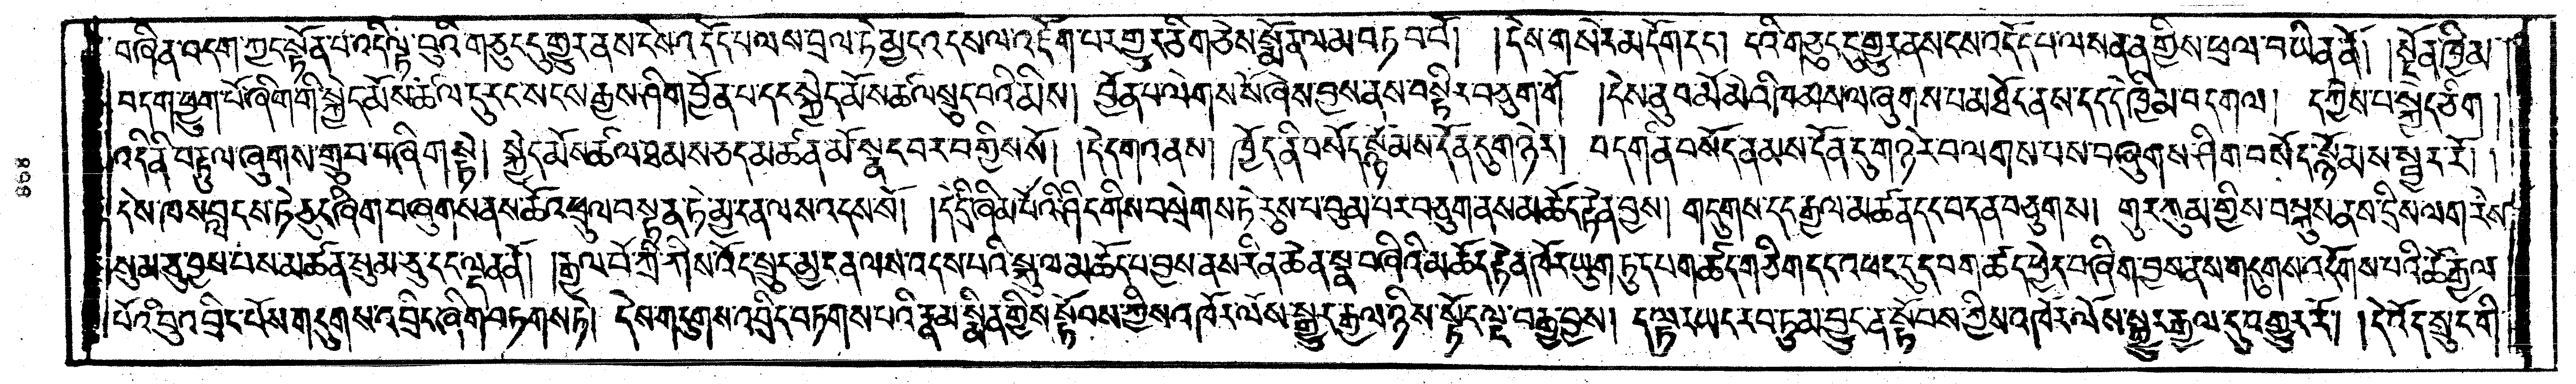བཞིན་བདག་ཀྱང་སྟོན་པ་འདི་ལྟ་བུའི་གཅུང་དུ་གྱུར་ནས་ངེས་འདོད་པ་ལས་བྲལ་ཏེ་མྱ་འདས་ལ་འཇོག་པར་གྱུར་ཅིག་ཅེས་སྨོན་ལམ་བཏབ་བོ། །དེས་གསེར་མདོག་དང་། ངའི་གཅུང་དུ་གྱུར་ནས་ངས་འདོད་པ་ལས་ནན་གྱིས་ཕྲལ་བ་ཡིན་ནོ། །སྔོན་ཁྱིམ་
བདག་ཕྱུག་པོ་ཞིག་གི་སྐྱེད་མོས་ཚལ་དུ་རང་སངས་རྒྱས་ཤིག་བྱོན་པ་དང་སྐྱེད་མོས་ཚལ་སྲུང་བའི་མིས། བྱོན་པ་ལེགས་སོ་ཞེས་བྱས་ནས་བསྟིར་བཅུག་གོ །དེས་ནུབ་མོ་མེའི་ཁམས་ལ་ཞུགས་པ་མཐོང་ནས་དད་དེ་ཁྱིམ་བདག་ལ། དཀྱེས་པ་སྐྱེད་ཅིག།
འདི་ནི་བརྟུལ་ཞུགས་གྲུབ་བ་ཞིག་སྟེ། སྐྱེད་མོས་ཚལ་ཐམས་ཅད་མཚན་མོ་སྣང་བར་བགྱིས་སོ། །དེ་དགའ་ནས། ཁྱོད་ནི་བསོད་སྙོམས་དོན་དུ་གཉེར། བདག་ནི་བསོད་ནམས་དོན་དུ་གཉེར་བ་ལགས་པས་བཞུགས་ཤིག་བསོད་སྙོམས་སྦྱར་རོ། །
དེས་ཁས་བླངས་ཏེ་ཅུང་ཞིག་བཞུགས་ནས་ཆོ་འཕྲུལ་བསྟན་ཏེ་མྱ་ངན་ལས་འདས་སོ། །དེ་དྲི་ཞིམ་པོའི་ཤིང་གིས་བསྲེགས་ཏེ་རུས་པ་བུམ་པར་བཅུག་ནས་མཆོད་རྟེན་ནས། གདུགས་དང་རྒྱལ་མཚན་དང་བདན་བཅུགས། གུར་ཀུམ་གྱིས་བསྐུས་ནས་དྲིས་ལག་རེས་
སུམ་ཅུ་བྱས་པས་མཚན་སུམ་ཅུ་དང་ལྡན་ནོ། །རྒྱལ་པོ་ཀྲི་ཀིས་འོད་སྲུང་མྱ་ངན་ལས་འདས་པའི་སྐུ་ལ་མཆོད་པ་བྱས་ནས་རིན་ཆེན་སྣ་བཞིའི་མཆོད་རྟེན་འཁོར་ཡུག་ཏུ་དཔག་ཚད་གཅིག་དང་འཕང་དུ་དཔག་ཚད་ཕྱེར་བཞིག་བྱས་ནས་གདུགས་འདོགས་པའི་ཚེ་རྒྱལ་
པོའི་བུ་འབྲིང་པོས་གདུགས་འབྲིང་ཞིག་བཏགས་ཏེ། དེས་གདུགས་འབྲིད་བཏགས་པའི་རྣམ་སྨིན་གྱིས་སྟོབས་ཀྱིས་འཁོར་ལོས་སྒྱུར་རྒྱལ་ཉིས་སྟོང་ལྔ་བརྒྱ་བྱས། ད་ལྟར་ཡང་རབ་ཏུ་མ་བྱུང་ན་སྟོབས་ཀྱིས་འཁོར་ལོས་སྒྱུར་རྒྱལ་དུ་འགྱུར་རོ། །དེ་འོད་སྲུང་གི་